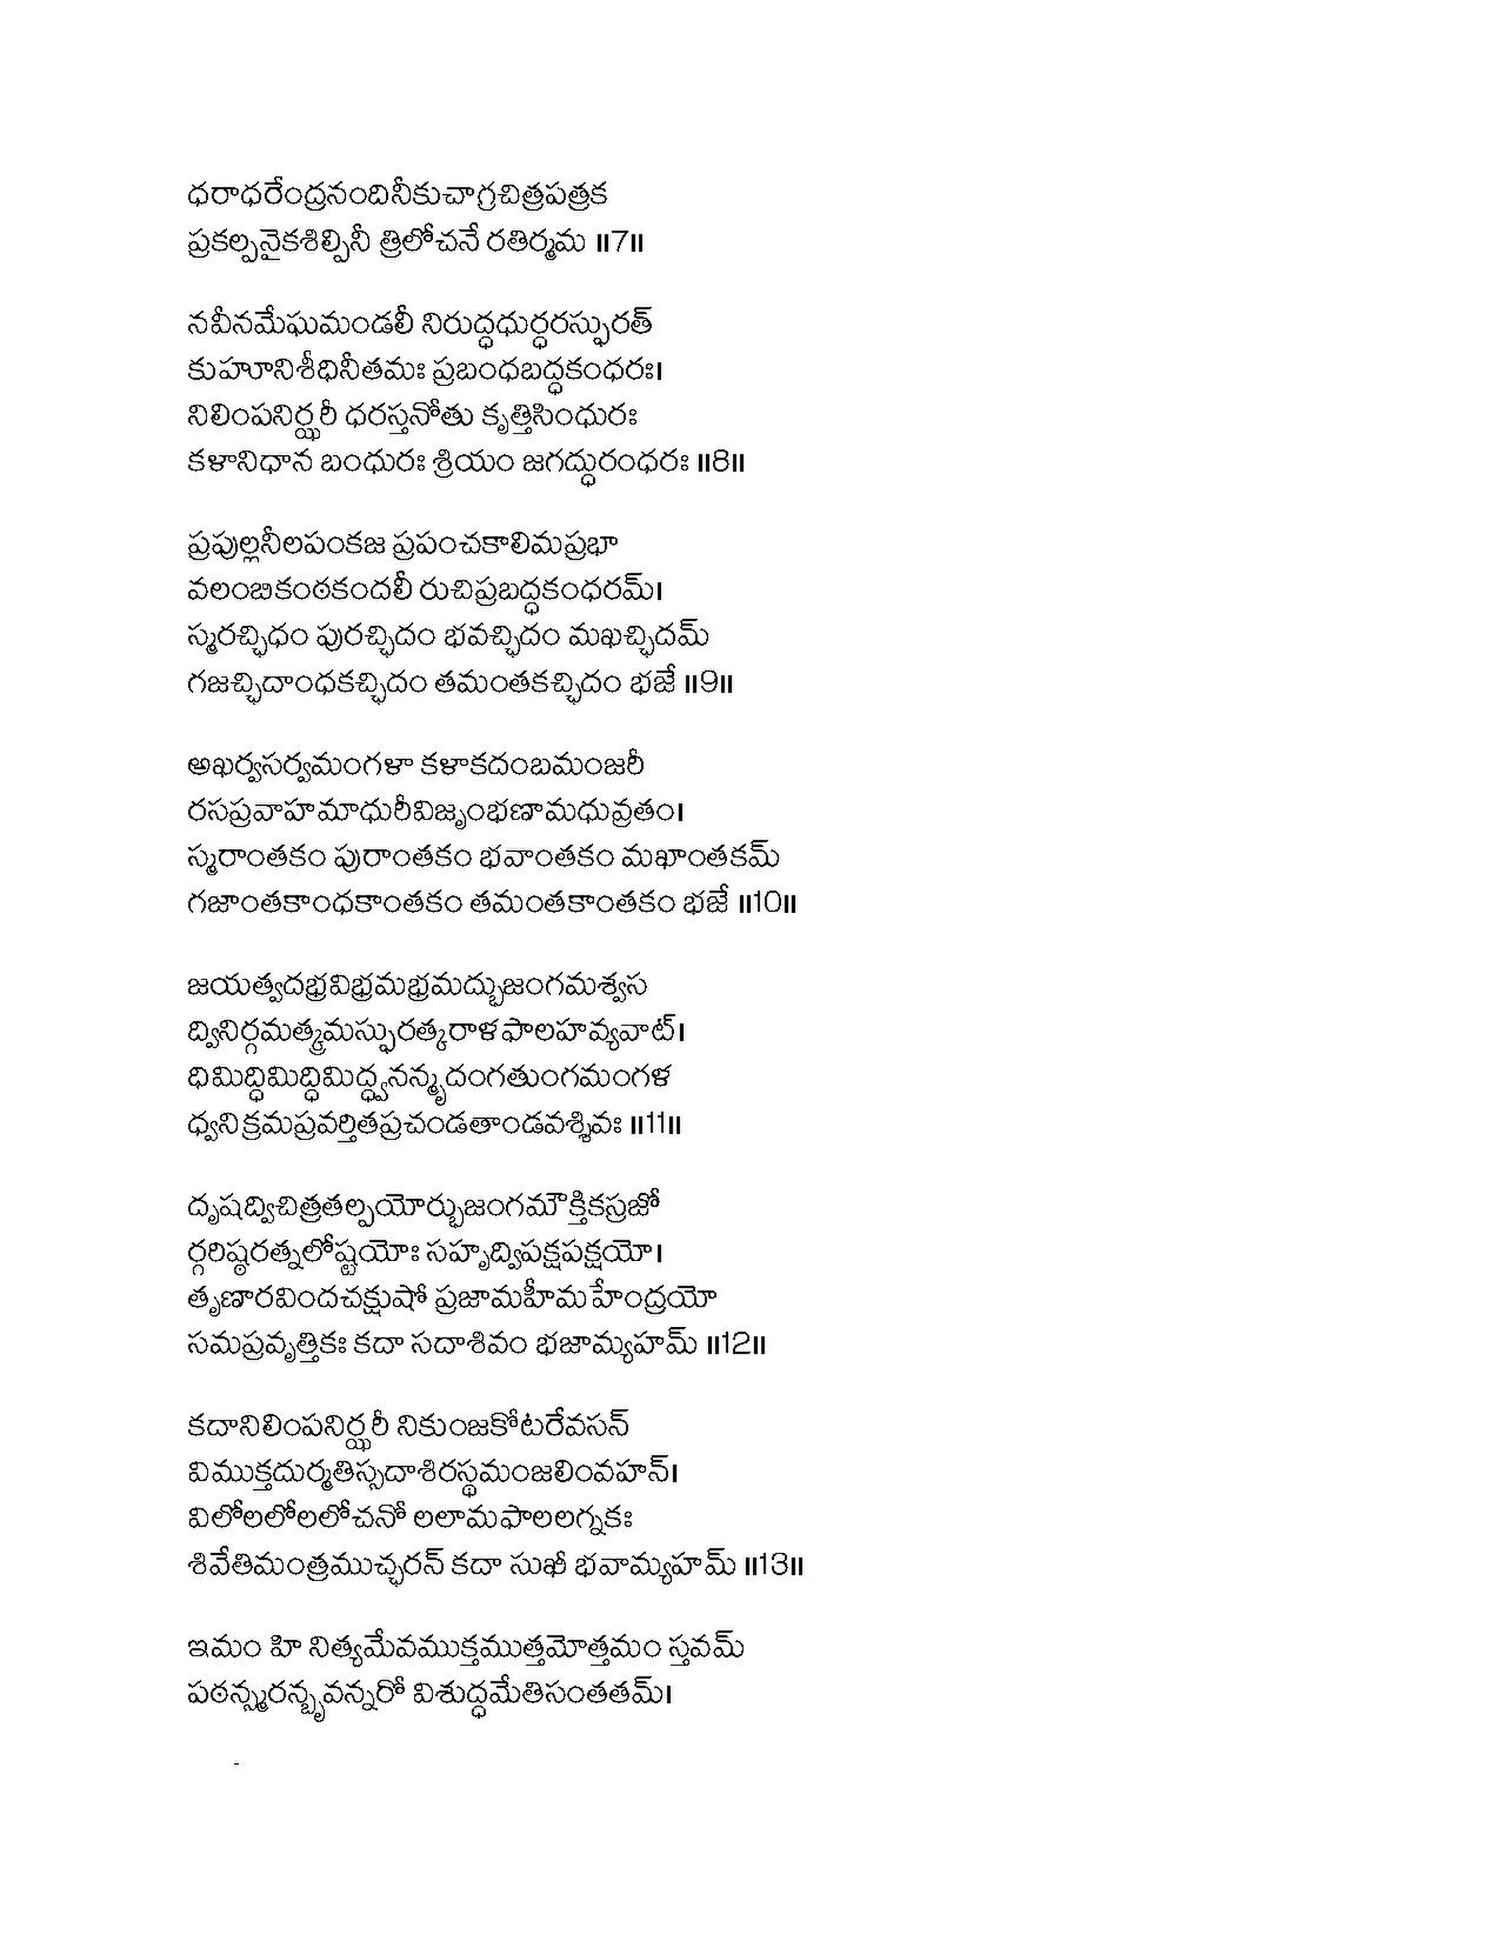ధరాధరేంద్రనందినీకు చాగ్రచిత్రపత్రక
ప్రకల్పనైకశిల్పినీ త్రిలోచనే రతిర్మమ || 7 ||

నవీనమేఘమండలీ నిరుద్ధధుర్ధరస్ఫురత్
కుహూనిశీధినీతమః ప్రబంధబద్ధకంధరః |
నిలింపనిర్ఝరీ ధరస్తనోతు కృత్తిసింధురః
కళానిధాన బంధురః శ్రియం జగద్ధురంధరః ||8||

ప్రపుల్లనీలపంకజప్రపంచకాలిమప్రభా
వలంబికంఠకందలీ రుచిప్రబద్ధకంధరమ్ |
స్మరచ్ఛిధం పురచ్ఛిదం భవచ్ఛిదం మఖచ్ఛిదమ్
గజచ్ఛిదాంధకచ్ఛిదం తమంతకచ్ఛిదం భజే ||9||

అఖర్వసర్వమంగళా కళాకదంబమంజరీ
రసప్రవాహమాధురీ విజృంభణామధువ్రతం|
స్మరాంతకం పురాంతకం భవాంతకం మఖాంతకమ్
గజాంతకాంధకాంతకం తమంతకాంతకం భజే ||10||

జయత్వదభ్రవిభ్రమభ్రమద్భుజంగమశ్వస
ద్వినిర్గమత్మమస్ఫురత్కరాళఫాలహవ్యవాట్ |
ధిమిద్ధిమిద్ధిమిధ్వనన్మృదంగతుంగమంగళ
ధ్వనిక్రమప్రవర్తితప్రచండతాండవశ్శివః || 11 ||

దృషద్విచిత్రతల్పయోర్భుజంగమౌక్తికస్రజో
ర్గరిష్ఠరత్నలోష్టయోః సహృద్విపక్షపక్షయో!
తృణారవిందచక్షుషో ప్రజామహీమహేంద్రయో
సమప్రవృత్తికః కదా సదాశివం భజామ్యహమ్ ||12||

కదానిలింపనిర్ఝరీ నికుంజకోటరేవసన్
విముక్తదుర్మతిస్సదాశిరస్థమంజలింవహన్ |
విలోలలోలలోచనో లలామఫాలలగ్నకః
శివేతిమంత్రముచ్చరన్ కదా సుఖీ భవామ్యహమ్ || 13 ||

ఇమం హి నిత్యమేవముక్తముత్తమోత్తమం స్తవమ్
పఠన్స్మరన్బృవన్నరో విశుద్ధమేతిసంతతమ్ |